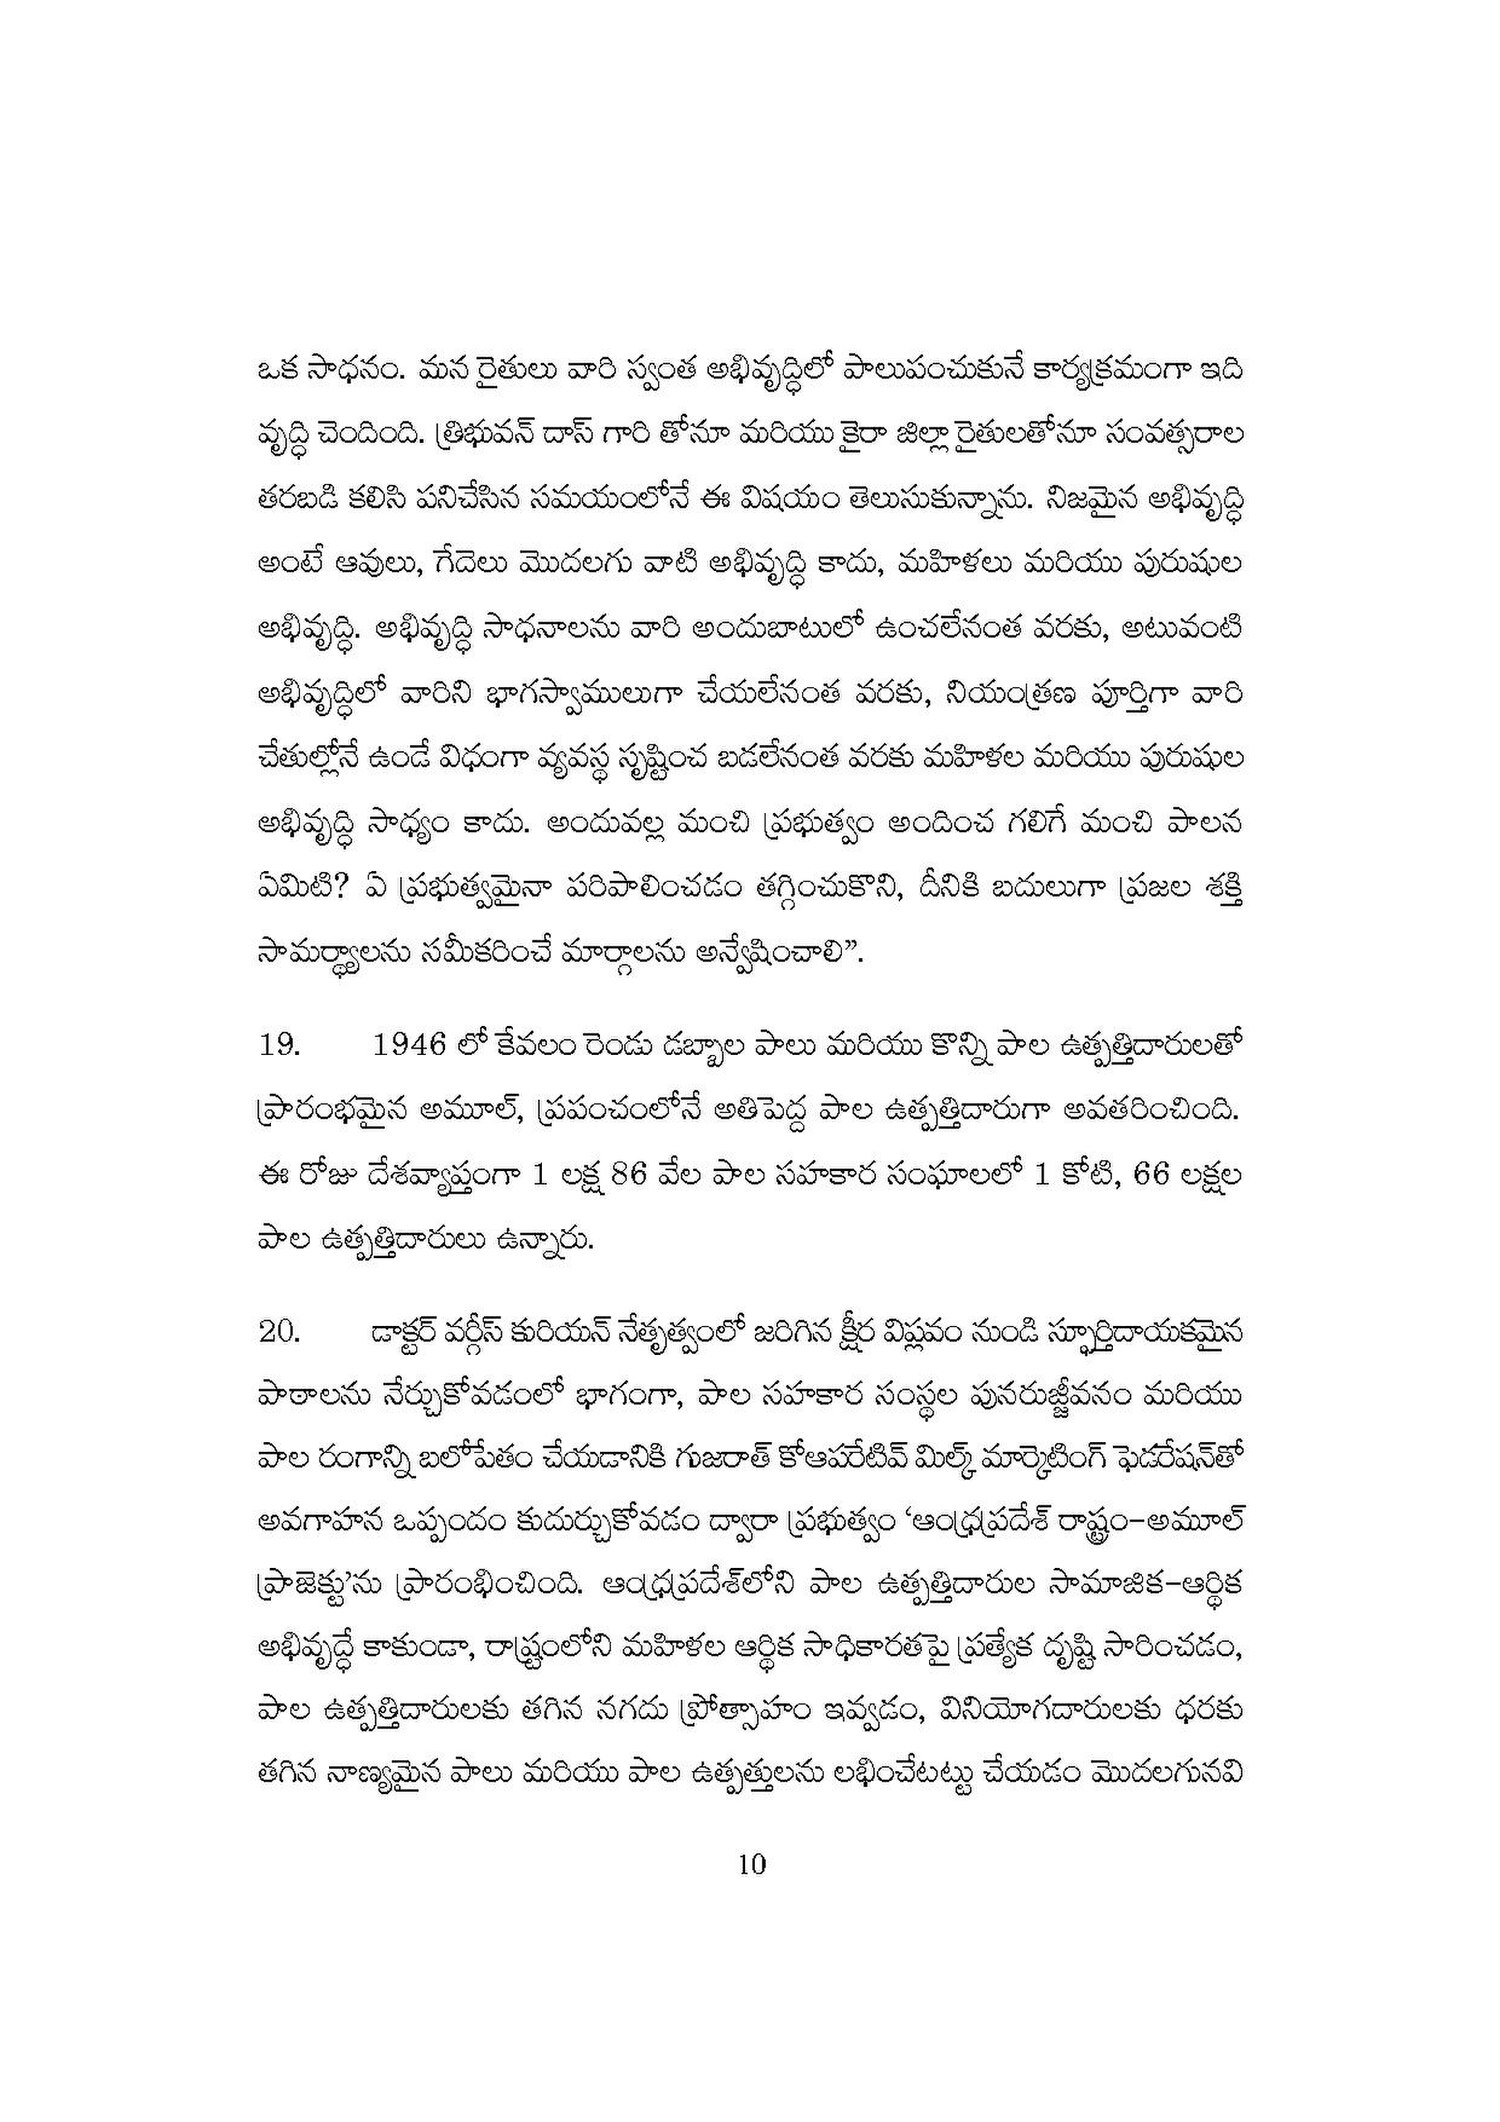ఒక సాధనం. మన రైతులు వారి స్వంత అభివృద్ధిలో పాలుపంచుకునే కార్యక్రమంగా ఇది
వృద్ధి చెందింది. త్రిభువన్ దాస్ గారి తోనూ మరియు కైరా జిల్లా రైతులతోనూ సంవత్సరాల
తరబడి కలిసి పనిచేసిన సమయంలోనే ఈ విషయం తెలుసుకున్నాను. నిజమైన అభివృద్ధి
అంటే ఆవులు, గేదెలు మొదలగు వాటి అభివృద్ధి కాదు, మహిళలు మరియు పురుషుల
అభివృద్ధి. అభివృద్ధి సాధనాలను వారి అందుబాటులో ఉంచలేనంత వరకు, అటువంటి
అభివృద్ధిలో వారిని భాగస్వాములుగా చేయలేనంత వరకు, నియంత్రణ పూర్తిగా వారి
చేతుల్లోనే ఉండే విధంగా వ్యవస్థ సృష్టించ బడలేనంత వరకు మహిళల మరియు పురుషుల
అభివృద్ధి సాధ్యం కాదు. అందువల్ల మంచి ప్రభుత్వం అందించ గలిగే మంచి పాలన
ఏమిటి? ఏ ప్రభుత్వమైనా పరిపాలించడం తగ్గించుకొని, దీనికి బదులుగా ప్రజల శక్తి
సామర్థ్యాలను సమీకరించే మార్గాలను అన్వేషించాలి”.

19. 1946 లో కేవలం రెండు డబ్బాల పాలు మరియు కొన్ని పాల ఉత్పత్తిదారులతో
ప్రారంభమైన అమూల్, ప్రపంచంలోనే అతిపెద్ద పాల ఉత్పత్తిదారుగా అవతరించింది.
ఈ రోజు దేశవ్యాప్తంగా 1 లక్ష 86 వేల పాల సహకార సంఘాలలో 1 కోటి, 66 లక్షల
పాల ఉత్పత్తిదారులు ఉన్నారు.

20. డాక్టర్ వర్గీస్ కురియన్ నేతృత్వంలో జరిగిన క్షీర విప్లవం నుండి స్ఫూర్తిదాయకమైన
పాఠాలను నేర్చుకోవడంలో భాగంగా, పాల సహకార సంస్థల పునరుజ్జీవనం మరియు
పాల రంగాన్ని బలోపేతం చేయడానికి గుజరాత్ కోఆపరేటివ్ మిల్క్ మార్కెటింగ్ ఫెడరేషన్తో
అవగాహన ఒప్పందం కుదుర్చుకోవడం ద్వారా ప్రభుత్వం 'ఆంధ్రప్రదేశ్ రాష్ట్రం-అమూల్
ప్రాజెక్టు’ను ప్రారంభించింది. ఆంధ్రప్రదేశ్ లోని పాల ఉత్పత్తిదారుల సామాజిక-ఆర్థిక
అభివృద్ధే కాకుండా, రాష్ట్రంలోని మహిళల ఆర్థిక సాధికారతపై ప్రత్యేక దృష్టి సారించడం,
పాల ఉత్పత్తిదారులకు తగిన నగదు ప్రోత్సాహం ఇవ్వడం, వినియోగదారులకు ధరకు
తగిన నాణ్యమైన పాలు మరియు పాల ఉత్పత్తులను లభించేటట్టు చేయడం మొదలగునవి